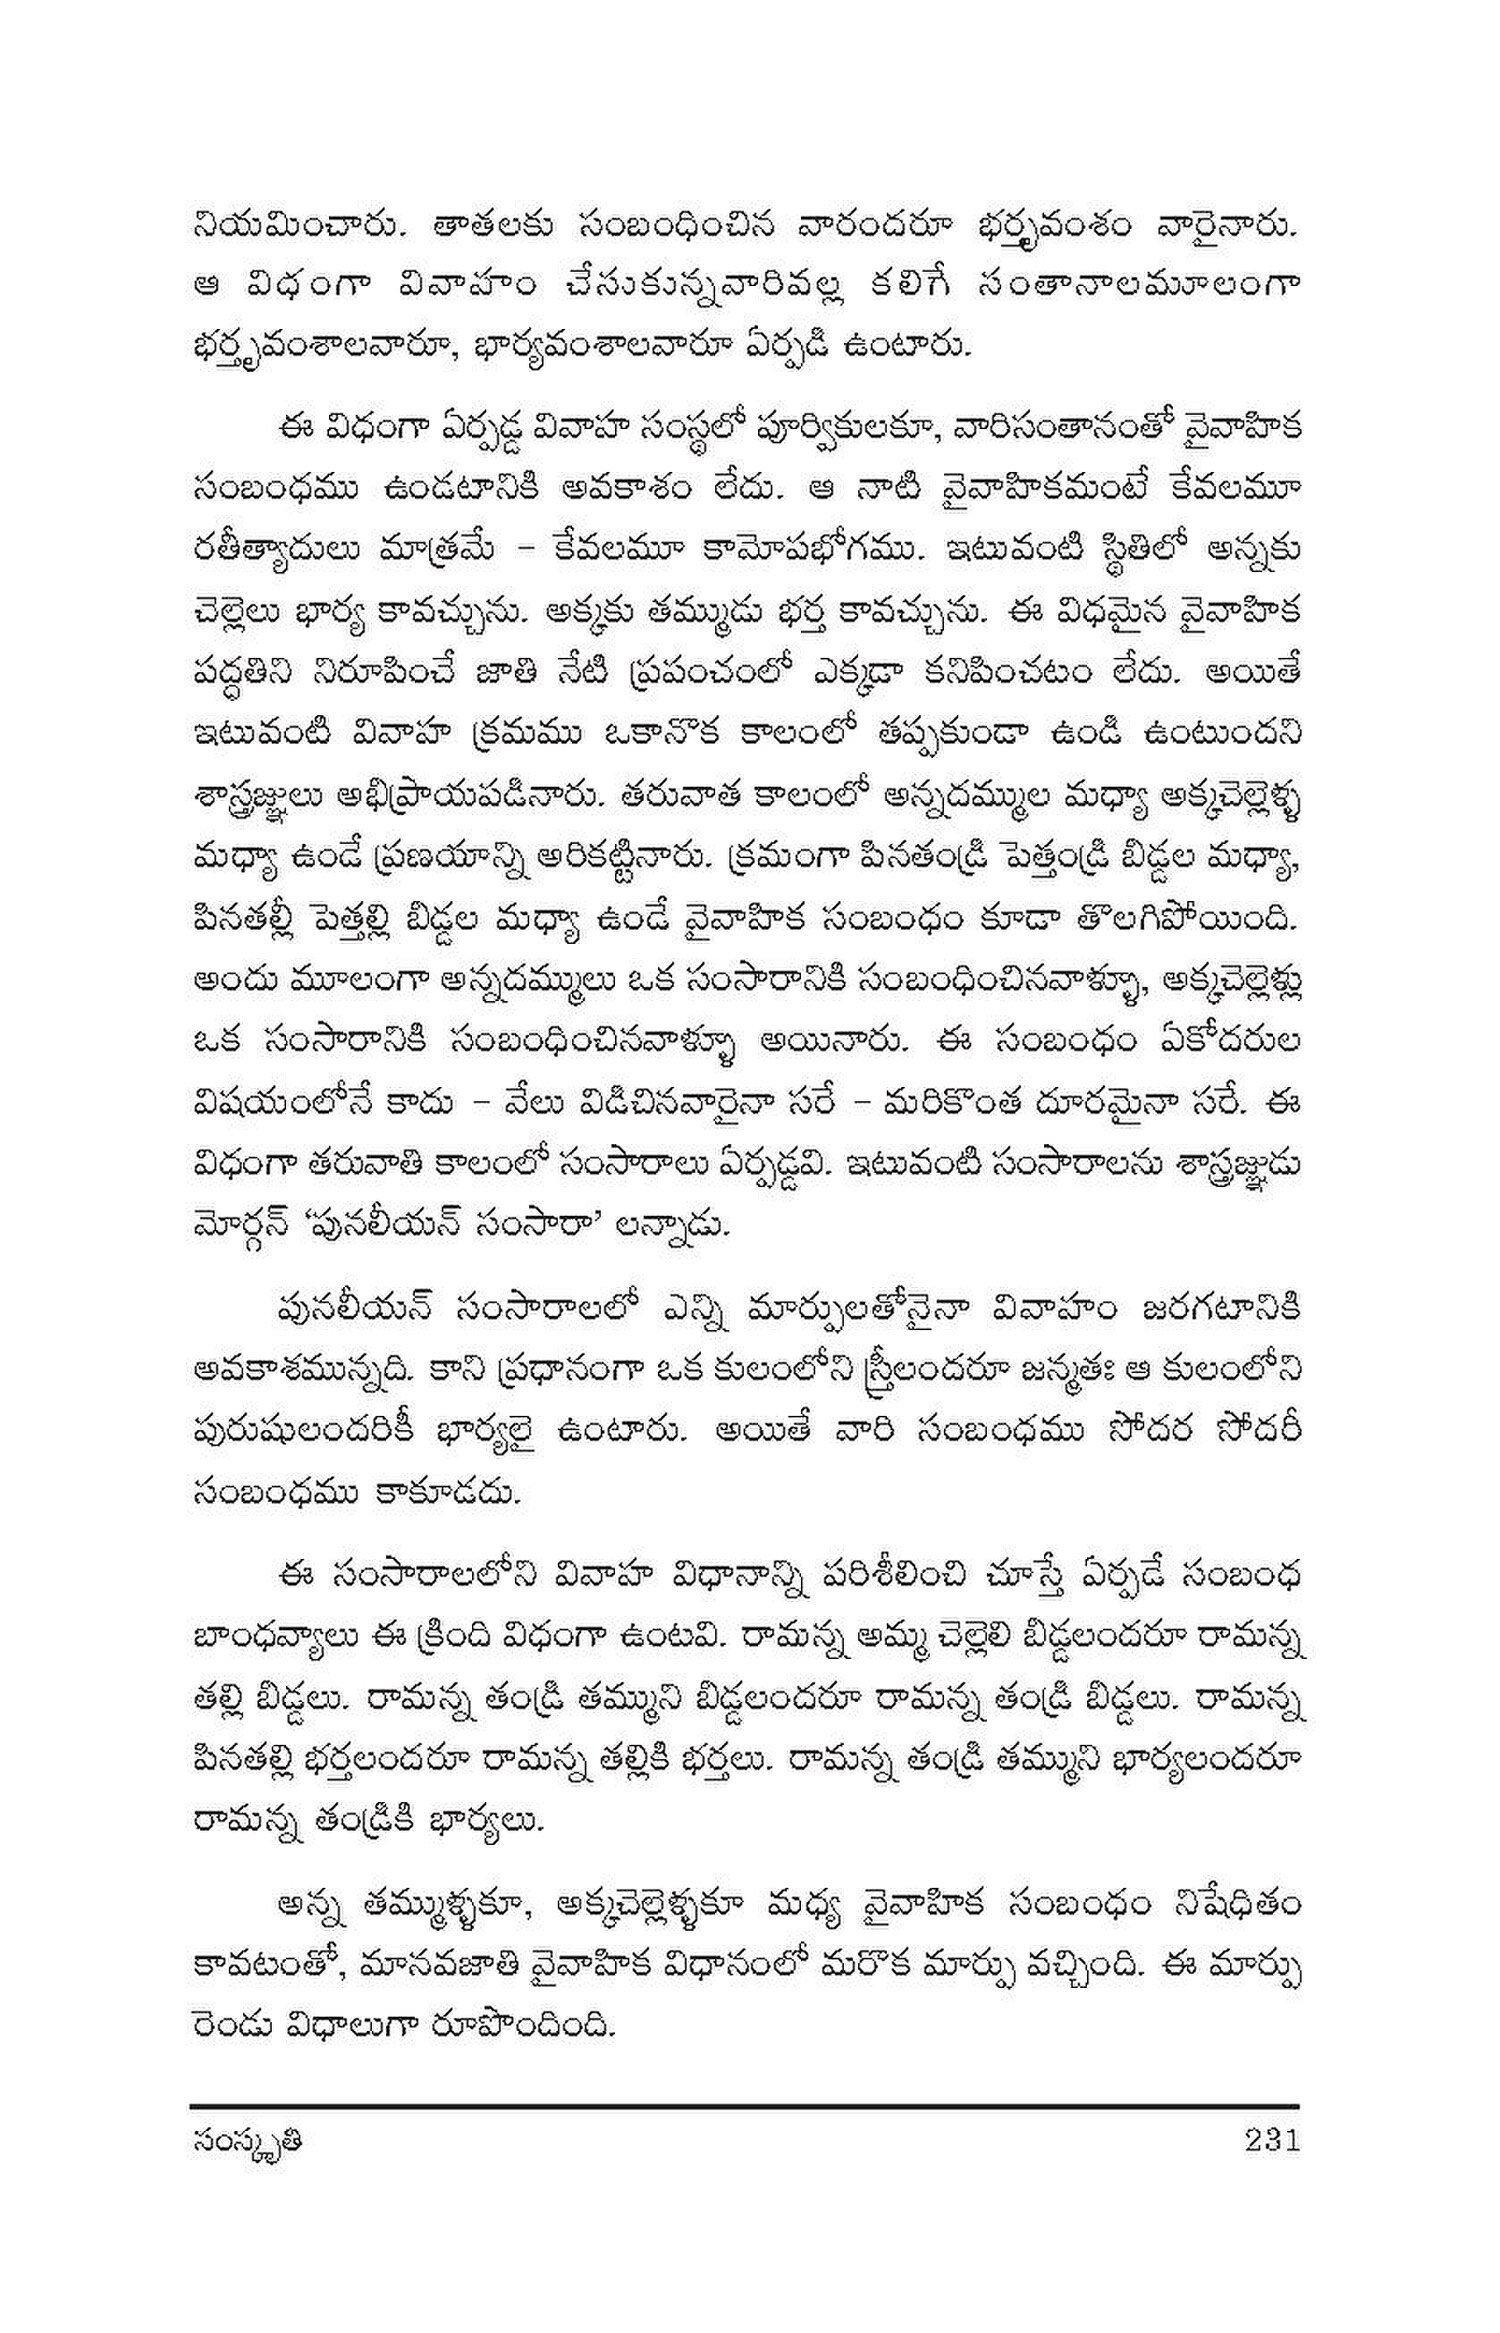నియమించారు. తాతలకు సంబంధించిన వారందరూ భర్తృవంశం వారైనారు.
ఆ విధంగా వివాహం చేసుకున్నవారివల్ల కలిగే సంతానాలమూలంగా
భర్తృవంశాలవారూ, భార్యవంశాలవారూ ఏర్పడి ఉంటారు.

ఈ విధంగా ఏర్పడ్డ వివాహ సంస్థలో పూర్వికులకూ, వారిసంతానంతో వైవాహిక
సంబంధము ఉండటానికి అవకాశం లేదు. ఆ నాటి వైవాహికమంటే కేవలమూ
రతీత్యాదులు మాత్రమే - కేవలమూ కామోపభోగము. ఇటువంటి స్థితిలో అన్నకు
చెల్లెలు భార్య కావచ్చును. అక్కకు తమ్ముడు భర్త కావచ్చును. ఈ విధమైన వైవాహిక
పద్ధతిని నిరూపించే జాతి నేటి ప్రపంచంలో ఎక్కడా కనిపించటం లేదు. అయితే
ఇటువంటి వివాహ క్రమము ఒకానొక కాలంలో తప్పకుండా ఉండి ఉంటుందని
శాస్త్రజ్ఞులు అభిప్రాయపడినారు. తరువాత కాలంలో అన్నదమ్ముల మధ్యా అక్కచెల్లెళ్ళ
మధ్యా ఉండే ప్రణయాన్ని అరికట్టినారు. క్రమంగా పినతండ్రి పెత్తండ్రి బిడ్డల మధ్యా,
పినతల్లీ పెత్తల్లి బిడ్డల మధ్యా ఉండే వైవాహిక సంబంధం కూడా తొలగిపోయింది.
అందు మూలంగా అన్నదమ్ములు ఒక సంసారానికి సంబంధించినవాళ్ళూ, అక్కచెల్లెళ్లు
ఒక సంసారానికి సంబంధించినవాళ్ళూ అయినారు. ఈ సంబంధం ఏకోదరులు
విషయంలోనే కాదు - వేలు విడిచినవారైనా సరే - మరికొంత దూరమైనా సరే. ఈ
విధంగా తరువాతి కాలంలో సంసారాలు ఏర్పడ్డవి. ఇటువంటి సంసారాలను శాస్త్రజ్ఞుడు
మోర్గన్ 'పునలీయన్ సంసారా' అన్నాడు.

పునలీయన్ సంసారాలలో ఎన్ని మార్పులతోనైనా వివాహం జరగటానికి
అవకాశమున్నది. కాని ప్రధానంగా ఒక కులంలోని స్త్రీలందరూ జన్మతః ఆ కులంలోని
పురుషులందరికీ భార్యలై ఉంటారు. అయితే వారి సంబంధము సోదర సోదరీ
సంబంధము కాకూడదు.

ఈ సంసారాలలోని వివాహ విధానాన్ని పరిశీలించి చూస్తే ఏర్పడే సంబంధ
బాంధవ్యాలు ఈ క్రింది విధంగా ఉంటవి. రామన్న అమ్మ చెల్లెలి బిడ్డలందరూ రామన్న
తల్లి బిడ్డలు. రామన్న తండ్రి తమ్ముని బిడ్డలందరూ రామన్న తండ్రి బిడ్డలు. రామన్న
పినతల్లి భర్తలందరూ రామన్న తల్లికి భర్తలు. రామన్న తండ్రి తమ్ముని భార్యలందరూ
రామన్న తండ్రికి భార్యలు.

అన్న తమ్ముళ్ళకూ, అక్కచెల్లెళ్ళకూ మధ్య వైవాహిక సంబంధం నిషేధితం
కావటంతో, మానవజాతి వైవాహిక విధానంలో మరొక మార్పు వచ్చింది. ఈ మార్పు
రెండు విధాలుగా రూపొందింది.